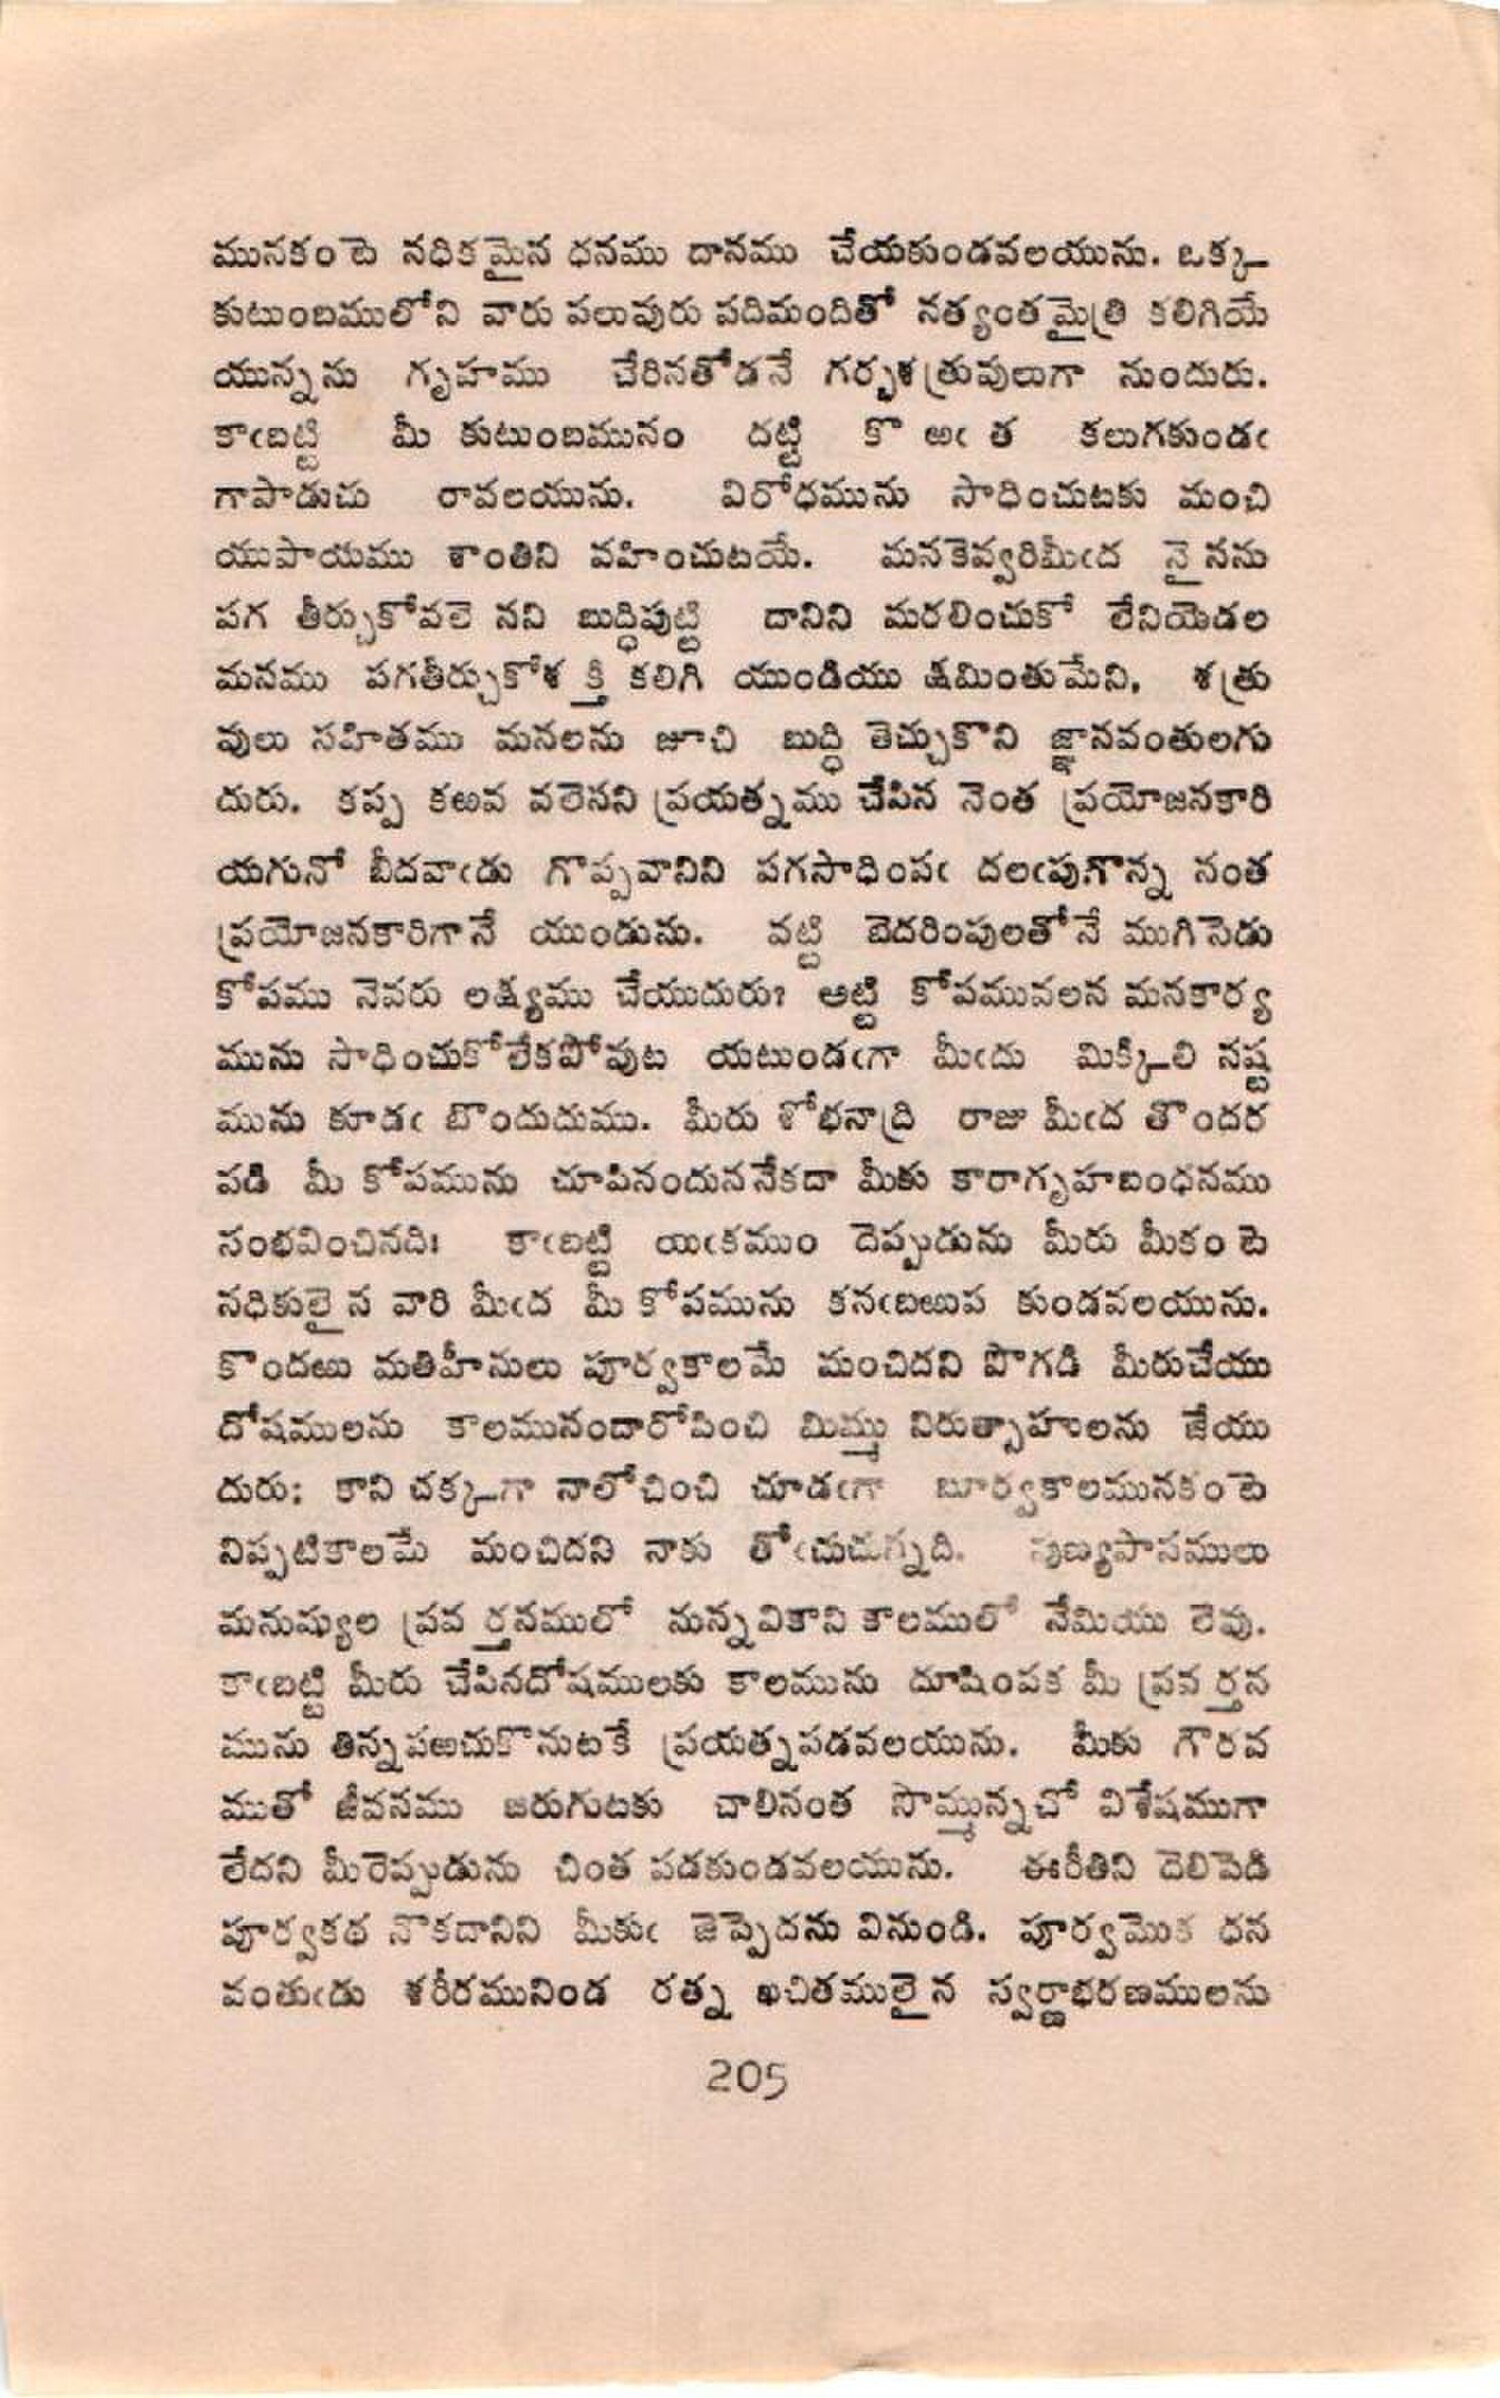మునకంటె నధికమైన ధనము దానము చేయకుండవలయును. ఒక్కకుటుంబములోని వారు పలువురు పదిమందితో నత్యంతమైత్రి కలిగియే యున్నను గృహము చేరినతోడనే గర్భశత్రువులుగా నుందురు. కాబట్టి మీ కుటుంబమునం దట్టి కొఱఁత కలుగకుండఁ గాపాడుచు రావలయును, విరోధమును సాధించుటకు మంచి యుపాయము శాంతిని వహించుటయే. మనకెవ్వరిమీఁద నైనను పగ తీర్చుకోవలెనని బుద్దిపుట్టి దానిని మరలించుకో లేనియెడల మనము పగతీర్చుకోశ క్తి కలిగి యుండియు క్షమింతుమేని, శత్రువులు సహితము మనలను జూచి బుద్ధి తెచ్చుకొని జ్ఞానవంతులగుదురు. కప్ప కఱవ వలెనని ప్రయత్నము చేసిన నెంత ప్రయోజనకారి యగునో బీదవాఁడు గొప్పవానిని పగసాధింపఁ దలఁపుగొన్న నంత ప్రయోజనకారిగానే యుండును. వట్టి బెదరింపులతోనే ముగిసెడు కోపము నెవరు లక్ష్యము చేయుదురు? అట్టి కోపమువలన మనకార్యమును సాధించుకోలేకపోవుట యటుండఁగా మీఁదు మిక్కిలి నష్టమును కూడఁ బొందుదుము. మీరు శోభనాద్రి రాజు మీఁద తొందర పడి మీ కోపమును చూసినందున నేకదా మీకు కారాగృహబంధనము సంభవించినది: కాబట్టి యిఁక ముందెప్పుడును మీరు మీకంటె నధికులైన వారి మీఁద మీ కోపమును కనబఱుప కుండవలయును. కొందఱు మతిహీనులు పూర్వకాలమే మంచిదని పొగడి మీరుచేయు దోషములను కాలమునందారోపించి మిమ్ము నిరుత్సాహలను జేయుదురు; కాని చక్కగా నాలోచించి చూడఁగా బూర్వకాలమునకంటె నిప్పటికాలమే మంచిదని నాకు తోఁచుచున్నది. పుణ్యపాపములు మనుష్యుల ప్రవర్తనములో నున్నవికాని కాలములో నేమియు లేవు. కాబట్టి మీరు చేసినదోషములకు కాలమును దూషింపక మీ ప్రవర్తనమును తిన్నపఱచుకొనుటకే ప్రయత్నపడవలయును. మీకు గౌరవముతో జీవనము జరుగుటకు చాలినంత సొమ్మున్నచో విశేషముగా లేదని మీరెప్పుడును చింత పడకుండవలయును. ఈరీతిని దెలిపెడి పూర్వకథ నొకదానిని మీకుఁ జెప్పెదను వినుండి పూర్వమొక ధనవంతుఁడు శరీరమునిండ రత్న ఖచితములైన స్వర్ణాభరణములను